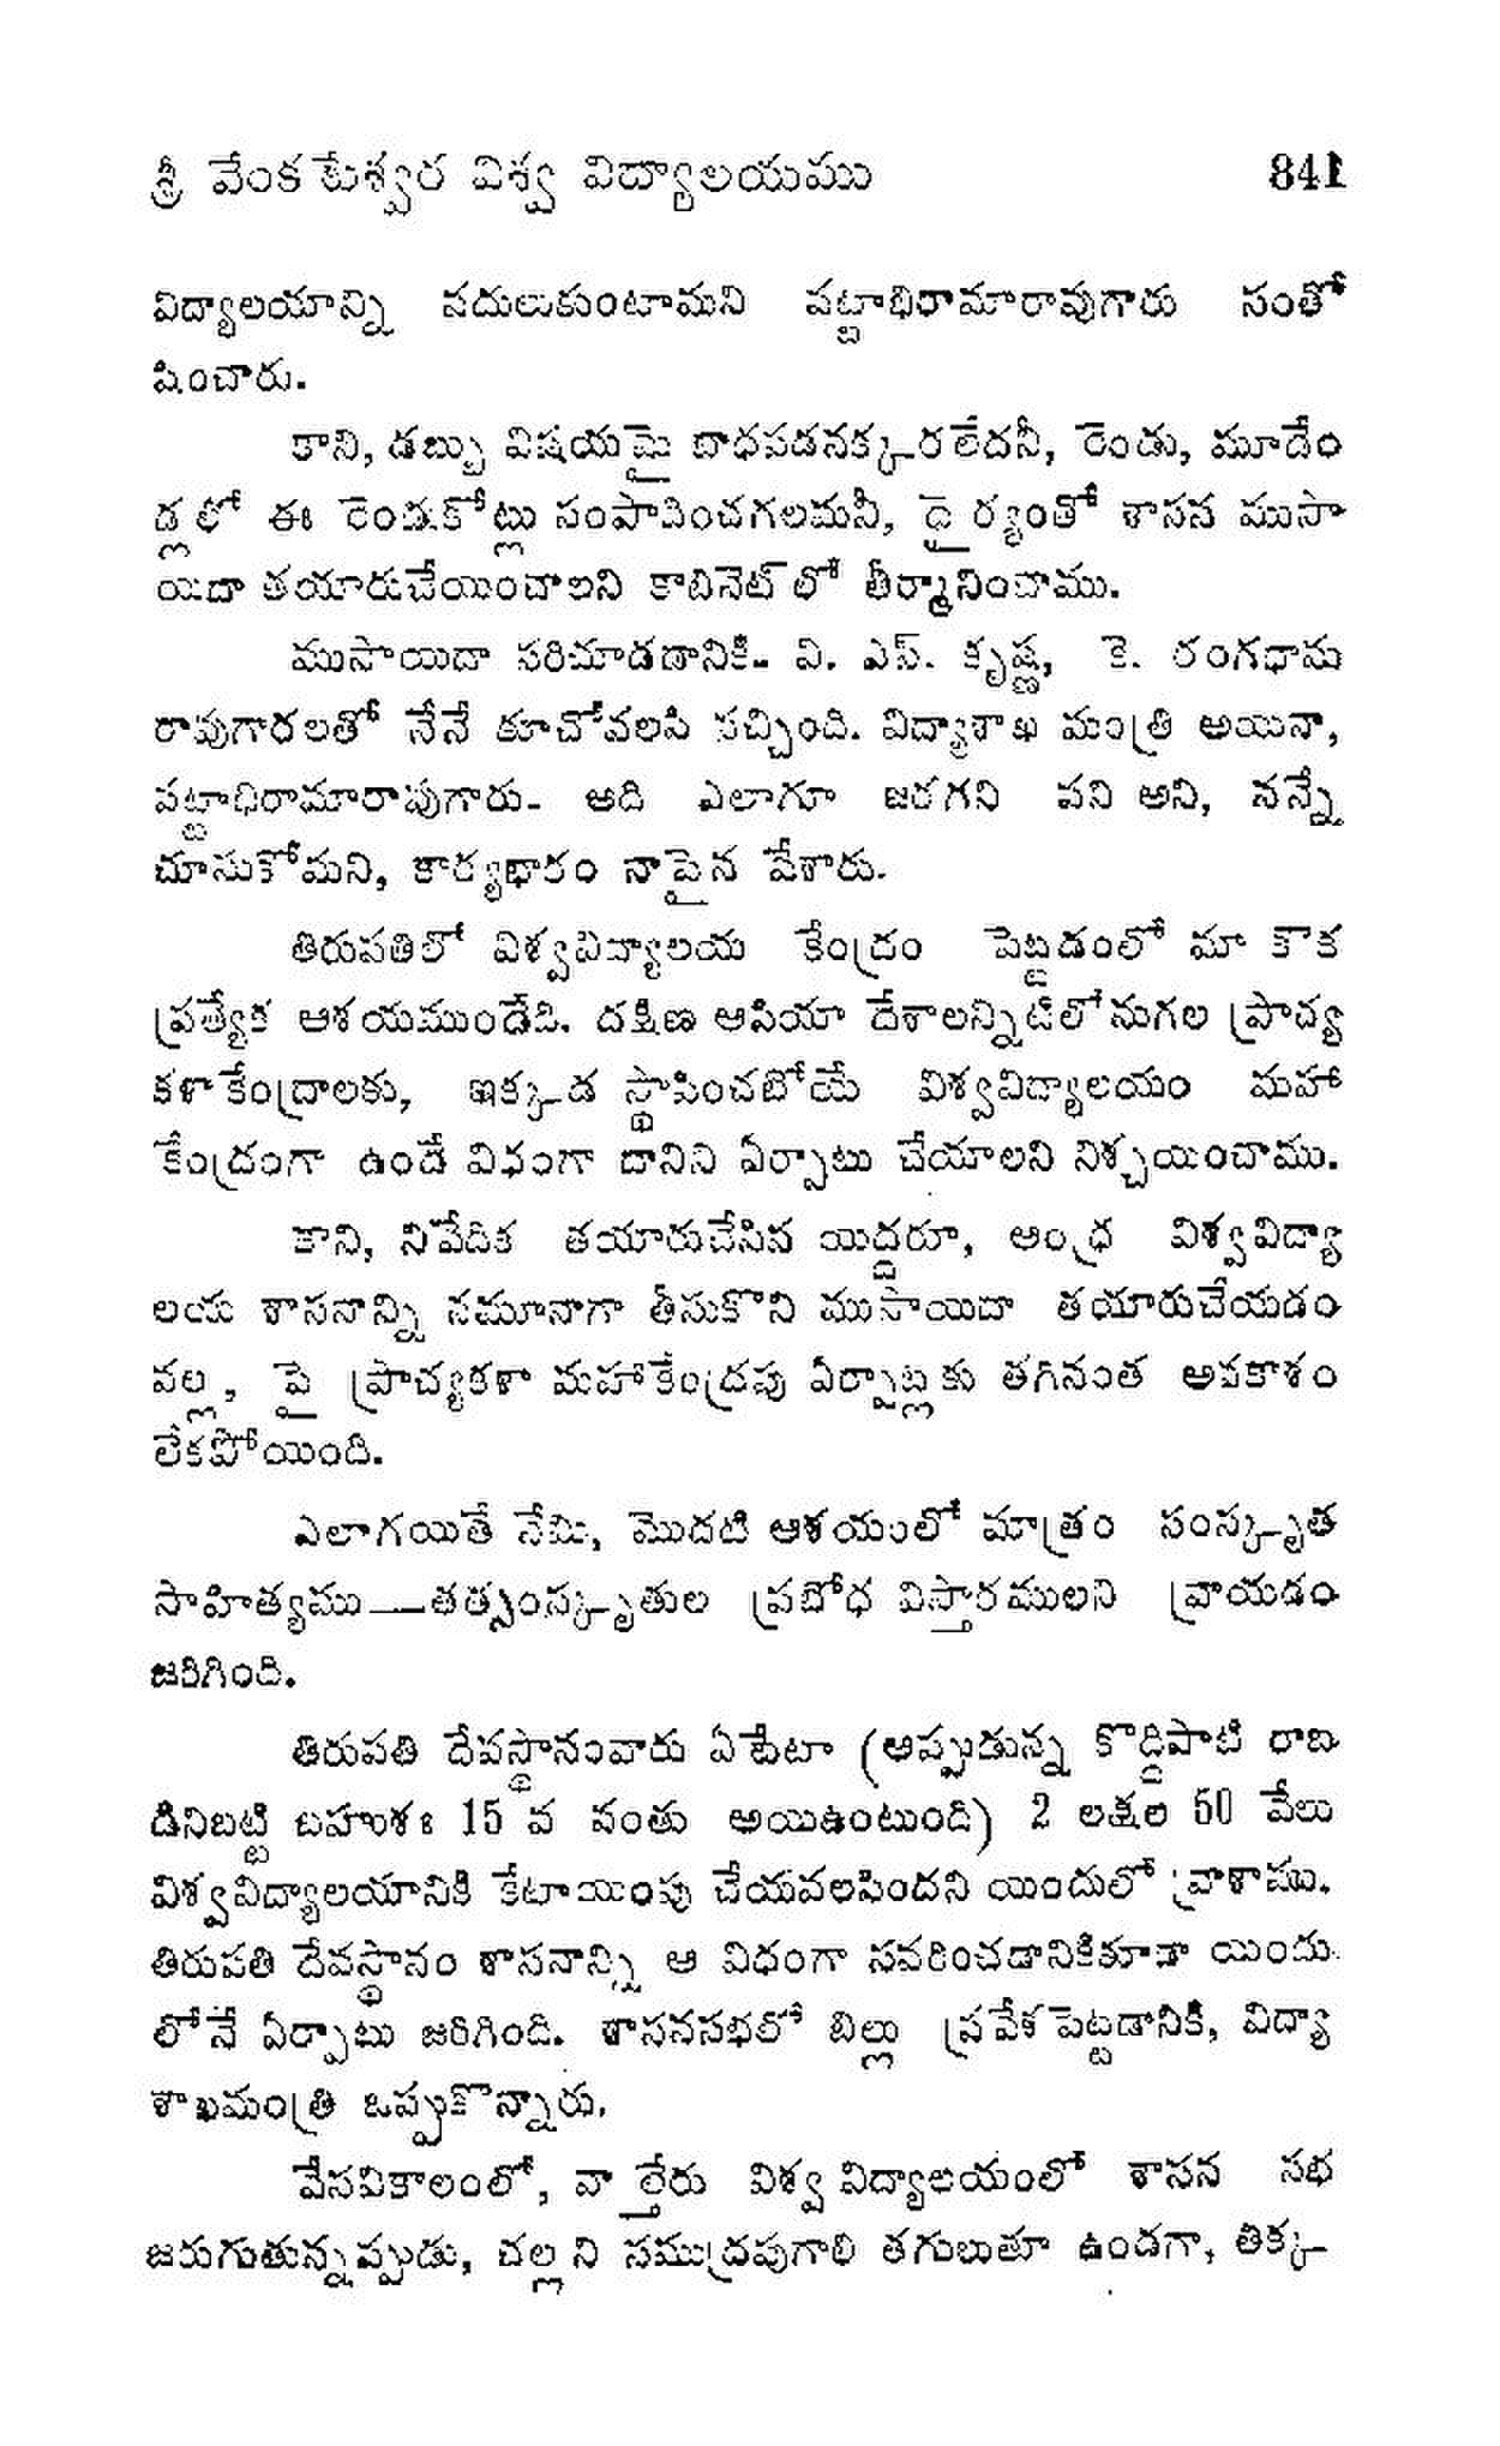విద్యాలయాన్ని వదులుకుంటామని పట్టాభిరామారావుగారు సంతోషించారు.

కాని, డబ్బు విషయమై బాధపడనక్కరలేదనీ, రెండు, మూడేండ్లలో ఈ రెండుకోట్లు సంపాదించగలమనీ, ధైర్యంతో శాసన ముసాయిదా తయారుచేయించాలని కాబినెట్‌లో తీర్మానించాము.

ముసాయిదా సరిచూడడానికి - వి. ఎస్. కృష్ణ, కె. రంగధామరావుగారలతో నేనే కూచోవలసి వచ్చింది. విద్యాశాఖ మంత్రి అయినా, పట్టాభిరామారావుగారు - అది ఎలాగూ జరగని పని అని, నన్నే చూసుకోమని, కార్యభారం నాపైన వేశారు.

తిరుపతిలో విశ్వవిద్యాలయ కేంద్రం పెట్టడంలో మా కొక ప్రత్యేక ఆశయముండేది. దక్షిణ ఆసియా దేశాలన్నిటిలోనుగల ప్రాచ్య కళాకేంద్రాలకు, ఇక్కడ స్థాపించబోయే విశ్వవిద్యాలయం మహా కేంద్రంగా ఉండే విధంగా దానిని ఏర్పాటు చేయాలని నిశ్చయించాము.

కాని, నివేదిక తయారుచేసిన యిద్దరూ, ఆంధ్ర విశ్వవిద్యాలయ శాసనాన్ని నమూనాగా తీసుకొని ముసాయిదా తయారుచేయడం వల్ల, పై ప్రాచ్యకళా మహాకేంద్రపు ఏర్పాట్లకు తగినంత అవకాశం లేకపోయింది.

ఎలాగయితే నేమి, మొదటి ఆశయంలో మాత్రం సంస్కృత సాహిత్యము - తత్సంస్కృతుల ప్రబోధ విస్తారములని వ్రాయడం జరిగింది.

తిరుపతి దేవస్థానంవారు ఏటేటా (అప్పుడున్న కొద్దిపాటి రాబడినిబట్టి బహుశ: 15 వ వంతు అయిఉంటుంది) 2 లక్షల 50 వేలు విశ్వవిద్యాలయానికి కేటాయింపు చేయవలసిందని యిందులో వ్రాశాము. తిరుపతి దేవస్థానం శాసనాన్ని ఆ విధంగా సవరించడానికికూడా యిందులోనే ఏర్పాటు జరిగింది. శాసనసభలో బిల్లు ప్రవేశపెట్టడానికి, విద్యాశాఖమంత్రి ఒప్పుకొన్నారు.

వేసవికాలంలో, వాల్తేరు విశ్వ విద్యాలయంలో శాసన సభ జరుగుతున్నప్పుడు, చల్లని సముద్రపుగాలి తగులుతూ ఉండగా, తిక్క